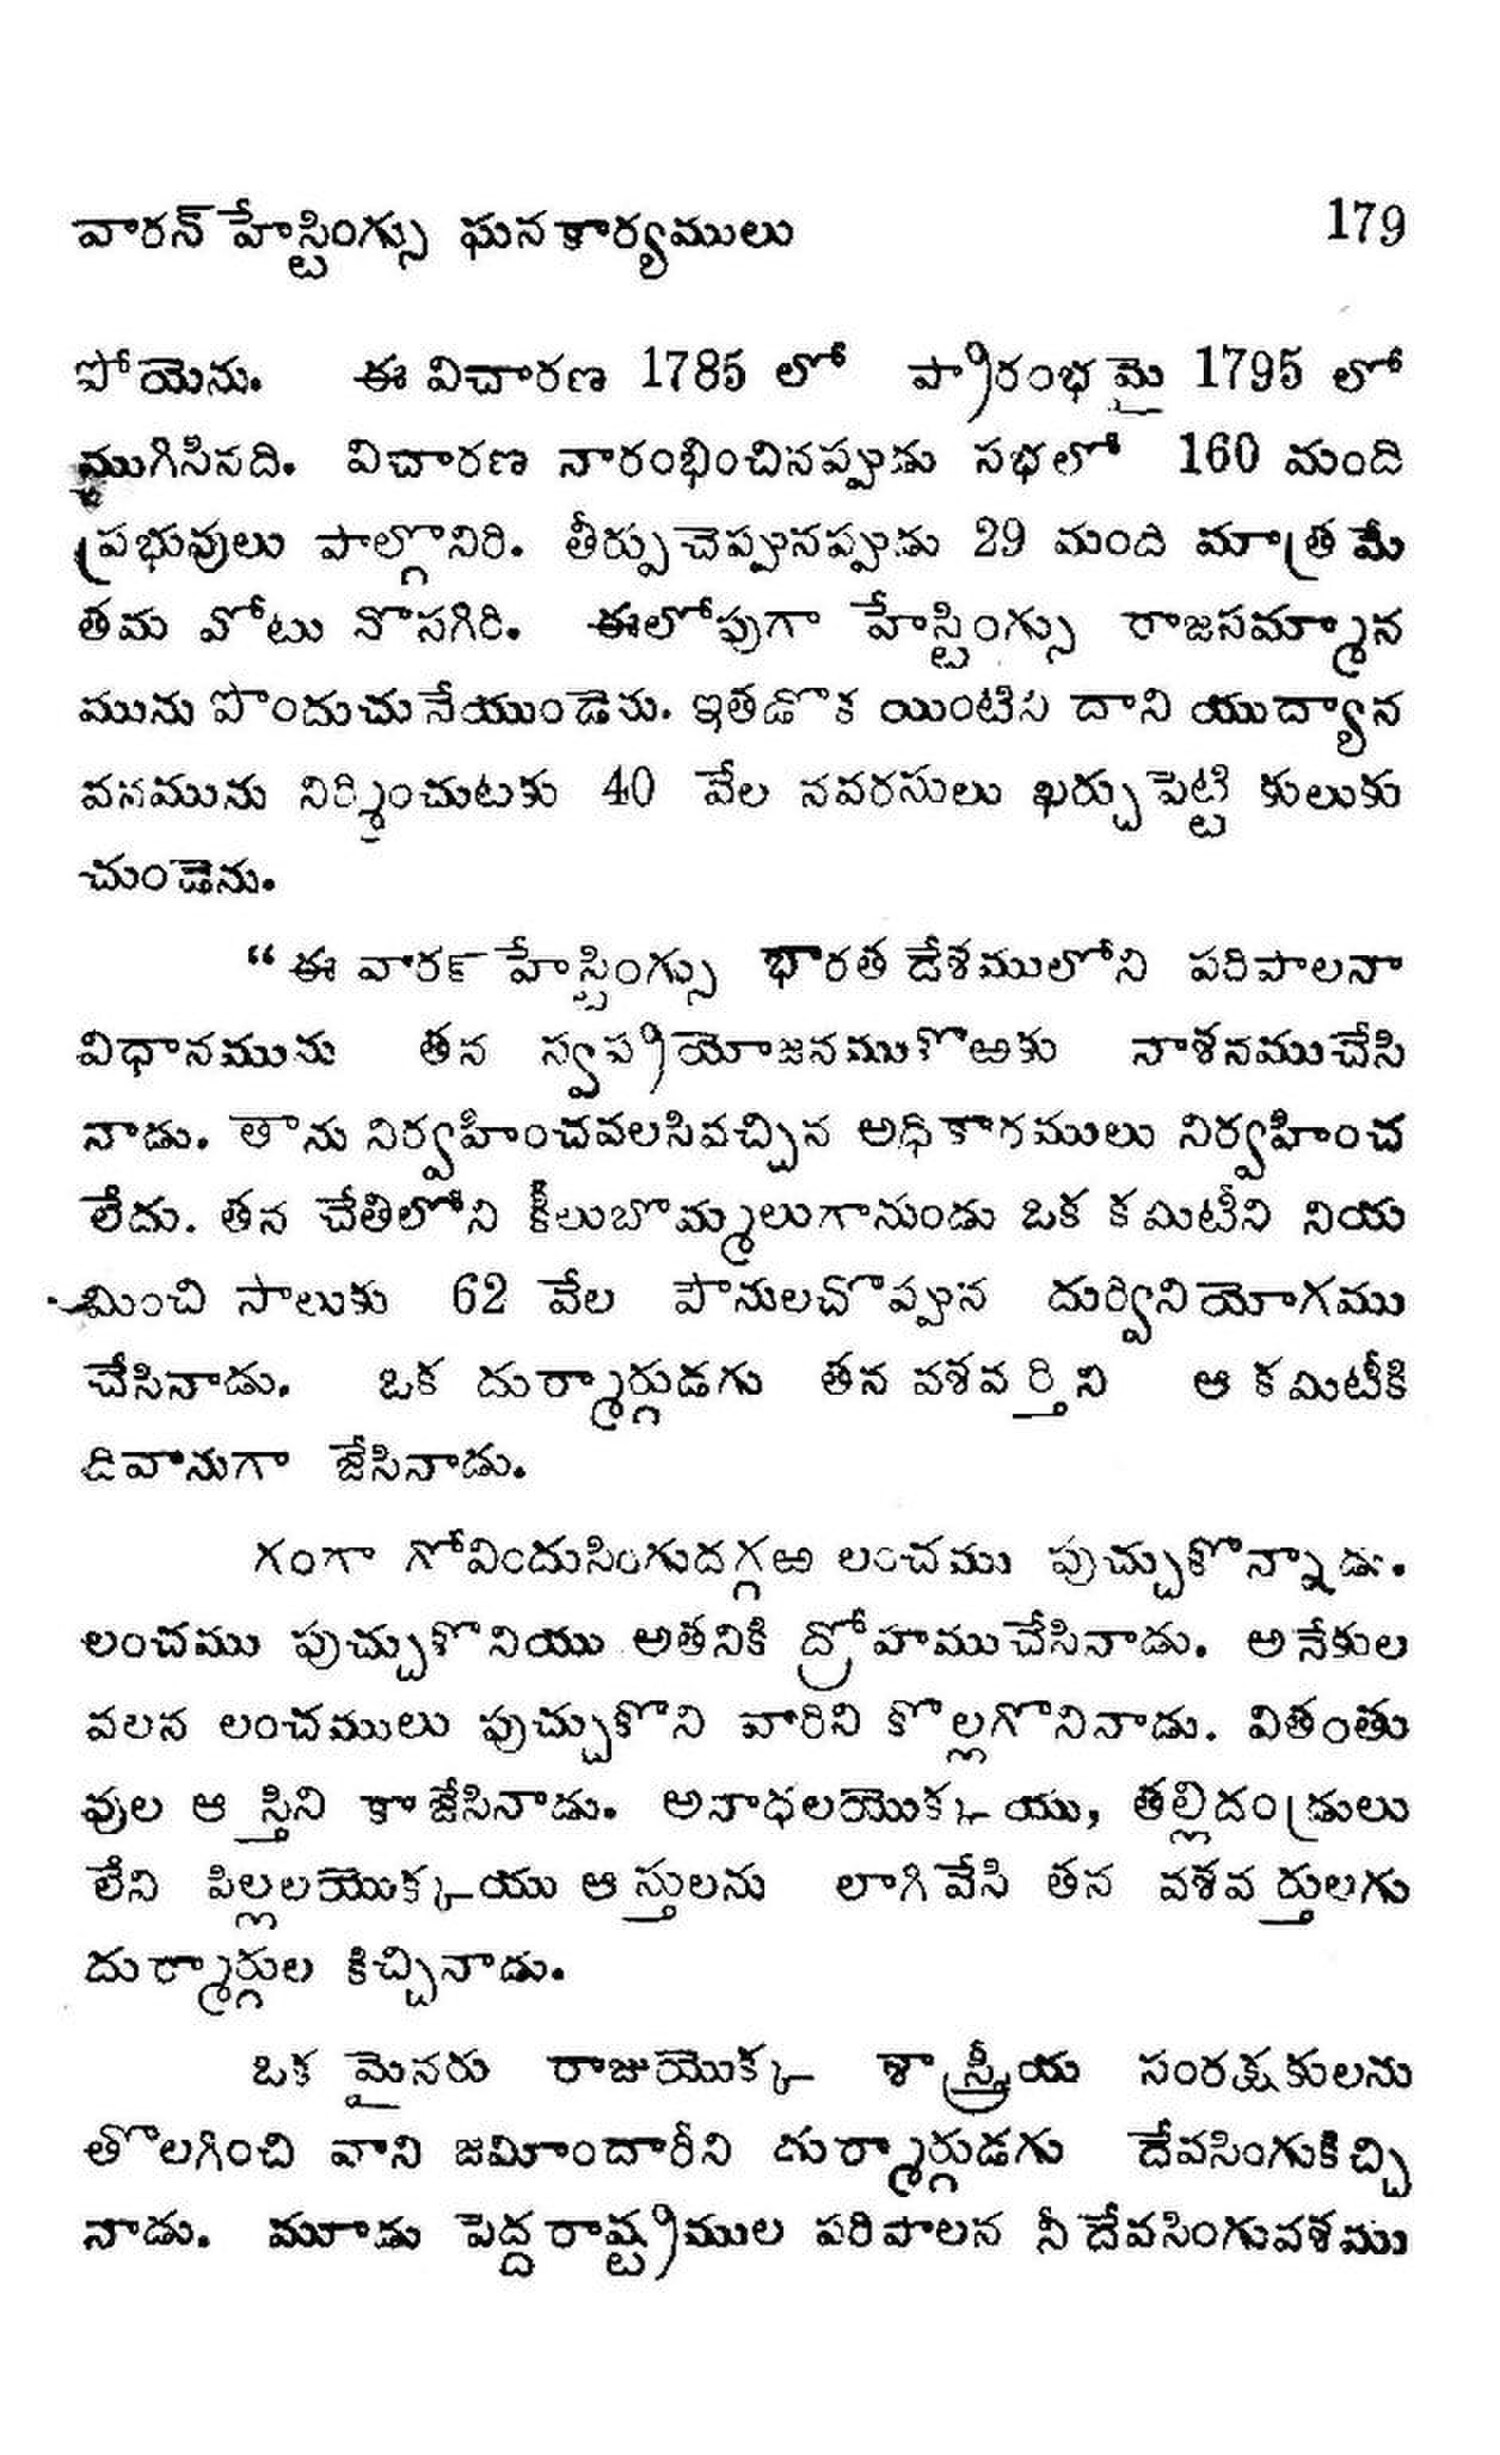పోయెను. ఈ విచారణ 1785 లో ప్రారంభమై 1795 లో ముగిసినది. విచారణ నారంభించినప్పుడు సభలో 160 మంది ప్రభువులు పాల్గొనిరి. తీర్పుచెప్పునప్పుడు 29 మంది మాత్రమే తమ వోటు నొసగిరి. ఈలోపుగా హేస్టింగ్సు రాజసమ్మానమును పొందుచునేయుండెను. ఇతడొక యింటికి దాని యుద్యానవనమును నిర్మించుటకు 40 వేల నవరసులు ఖర్చుపెట్టి కులుకుచుండెను.

“ఈ వార౯ హేస్టింగ్సు భారతదేశములోని పరిపాలనా విధానమును తన స్వప్రయోజనముకొఱకు నాశనముచేసినాడు. తాను నిర్వహించవలసివచ్చిన అధికారములు నిర్వహించలేదు. తన చేతిలోని కీలుబొమ్మలుగానుండు ఒక కమిటీని నియమించి సాలుకు 62 వేల పౌనుల చొప్పున దుర్వినియోగము చేసినాడు. ఒక దుర్మార్గుడగు తన వశవర్తిని ఆ కమిటీకి దివానుగా జేసినాడు.

గంగా గోవిందుసింగుదగ్గఱ లంచము పుచ్చుకొన్నాడు. లంచము పుచ్చుకొనియు అతనికి ద్రోహముచేసినాడు. అనేకుల వలన లంచములు పుచ్చుకొని వారిని కొల్లగొనినాడు. వితంతువుల ఆస్తిని కాజేసినాడు. అనాధలయొక్కయు, తల్లిదండ్రులు లేని పిల్లల యొక్కయు ఆస్తులను లాగివేసి తన వశవర్తులగు దుర్మార్గుల కిచ్చినాడు.

ఒక మైనరు రాజుయొక్క శాస్త్రీయ సంరక్షకులను తొలగించి వాని జమీందారీని దుర్మార్గుడగు దేవసింగుకిచ్చినాడు. మూడు పెద్ద రాష్ట్రముల పరిపాలన నీ దేవసింగువశము